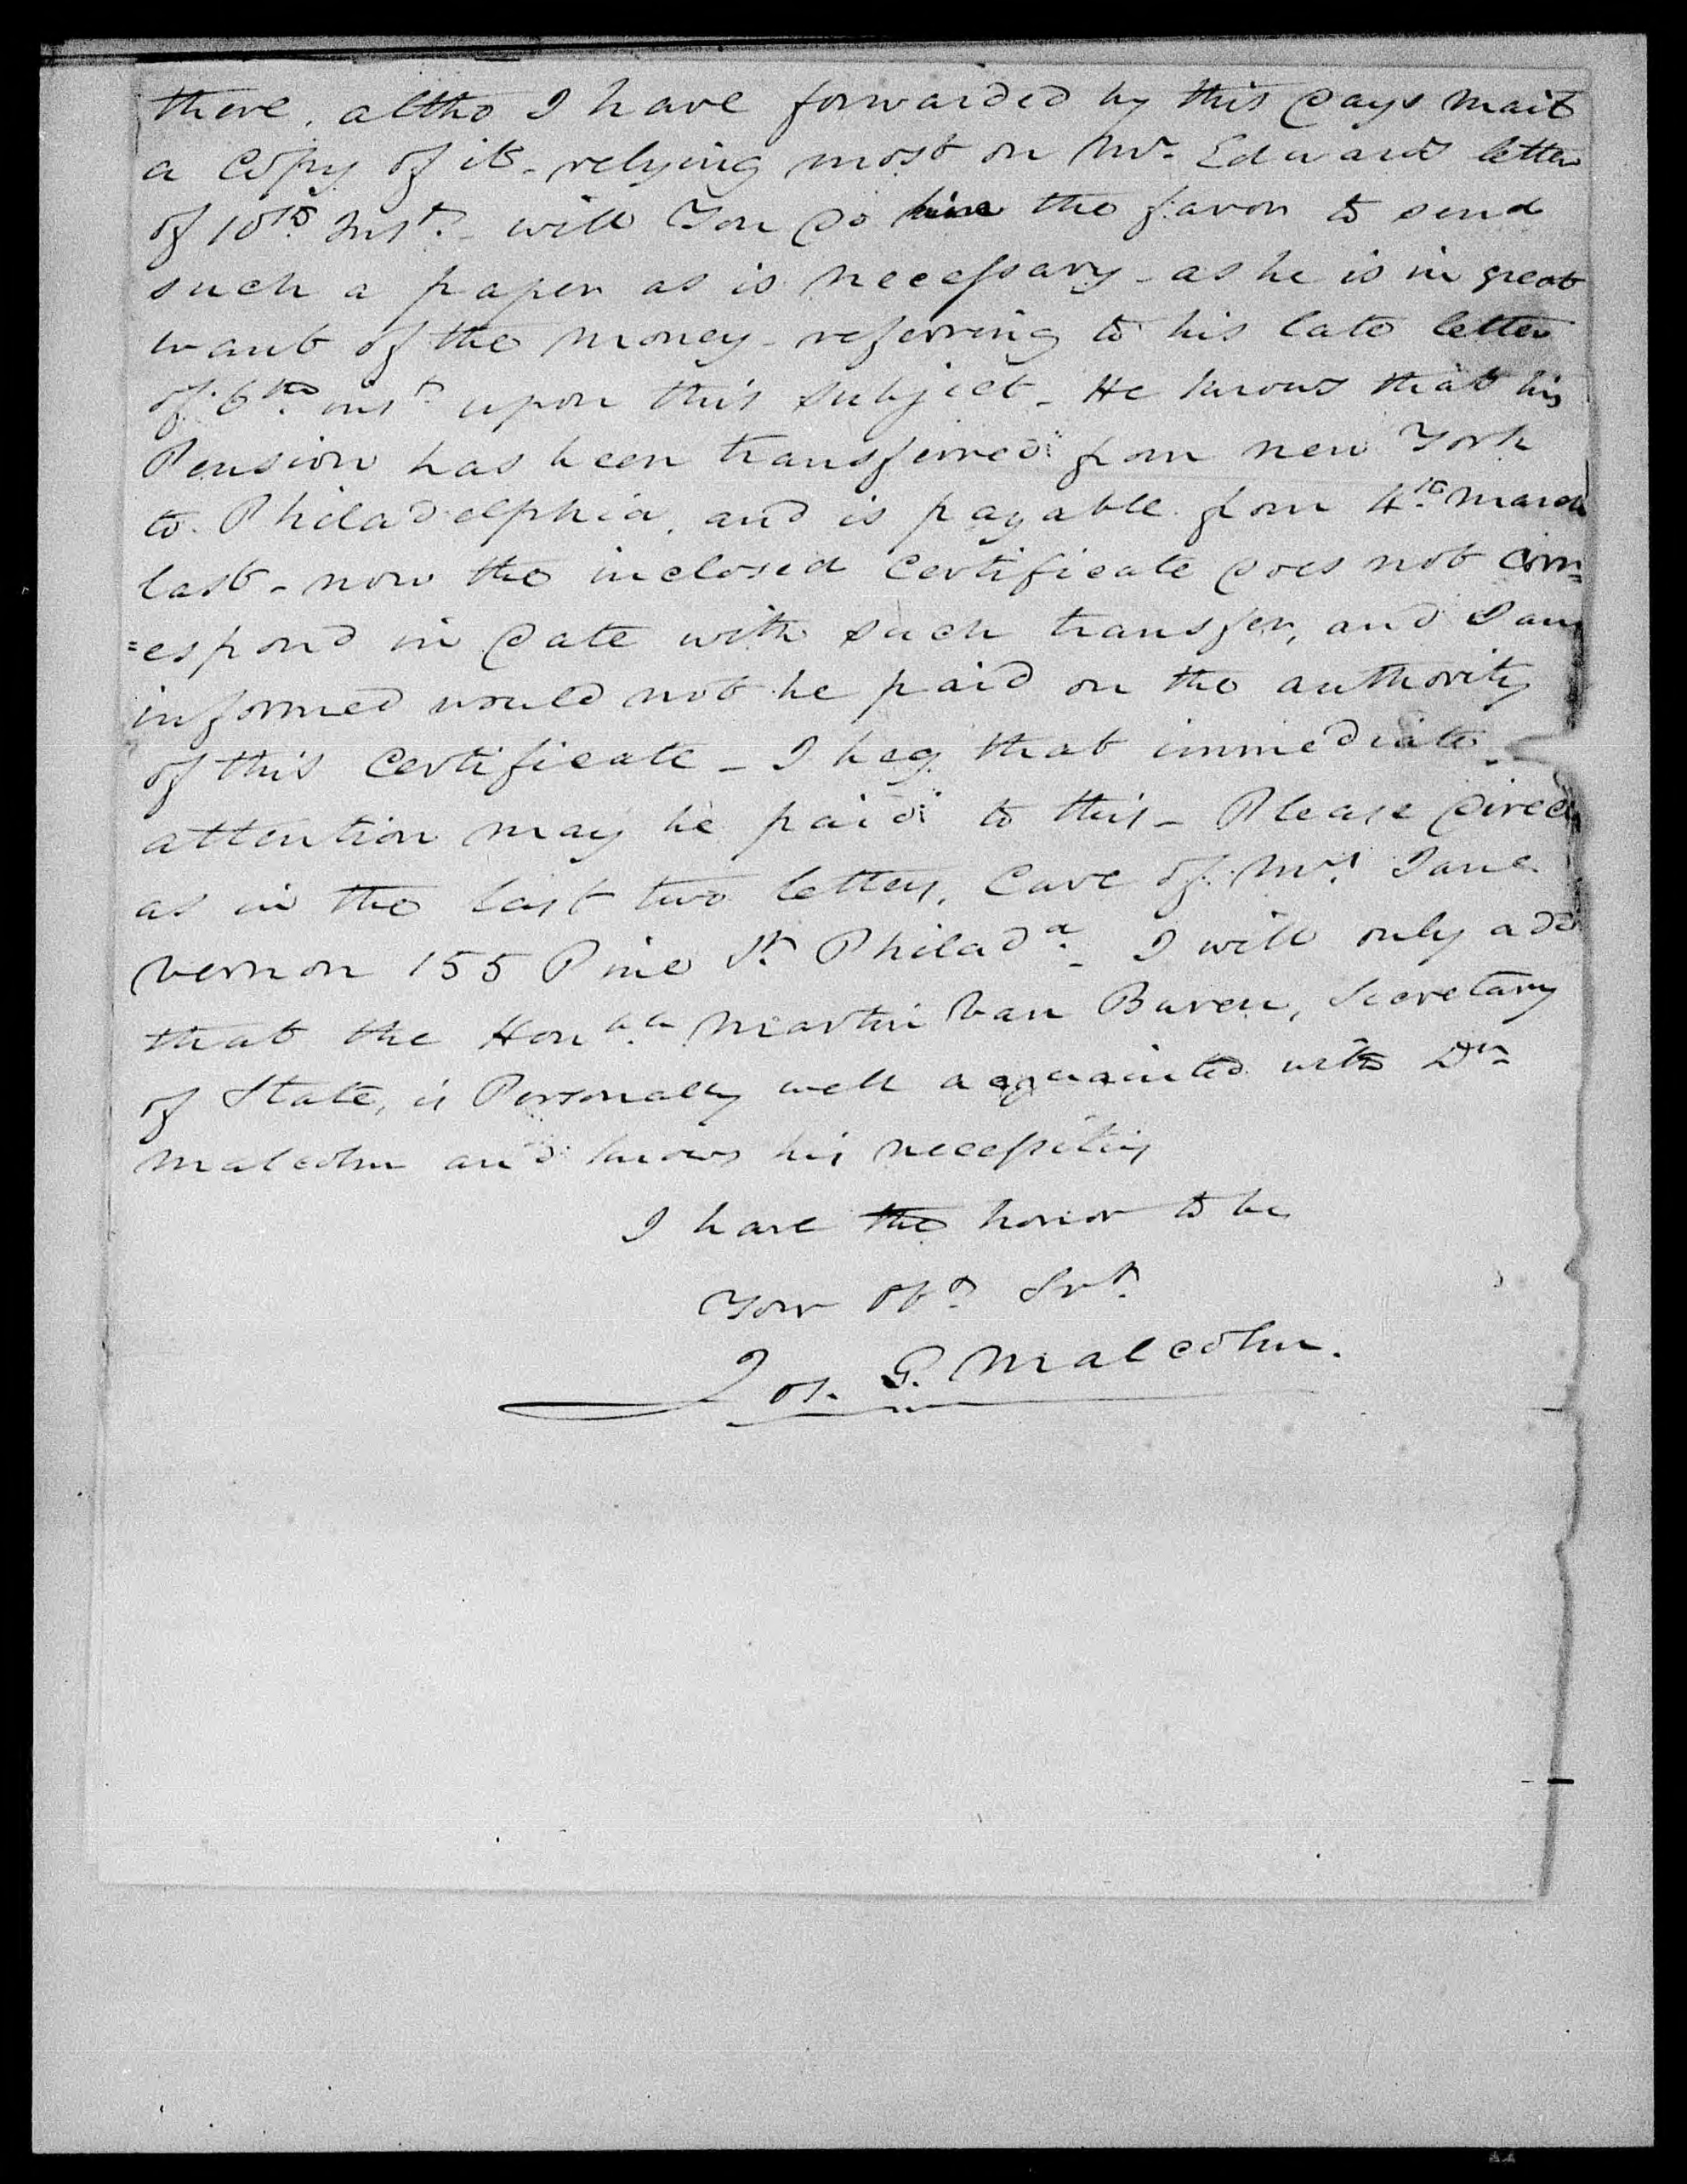there, altho [although] I have forwarded by this days mail a copy of it, relying most on Mr Edwards letter of 1015 Inst. will you do in the favor to send such a paper as is necessary as he is in great want of the money referring to his late letter of 6th inst. upon this subject. He knows that his Pension has been transferred from New York to Philadelphia, and is payable from 4th March last, now the inclosed [enclosed] certificate does not correspond in date with such transfer, and I am informed would not be paid on the authority of this certificate. I beg that immediate attention may be paid to this -Please direct as in the last two letters, care of Mrs Jane Vernon 155 Pine St Philad. [Philadelphia] I will only add that the Honble [Honorable] Martin Van Buren, Secretary
of State, is personally well acquainted with Dr. Malcolm and knows his necessity
I have the honor to be
your obt. Svt. [obedient servant]
Jos. G. Malcolm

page: 13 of 28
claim: survivor's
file: S. 5,048, for Henry Malcolm